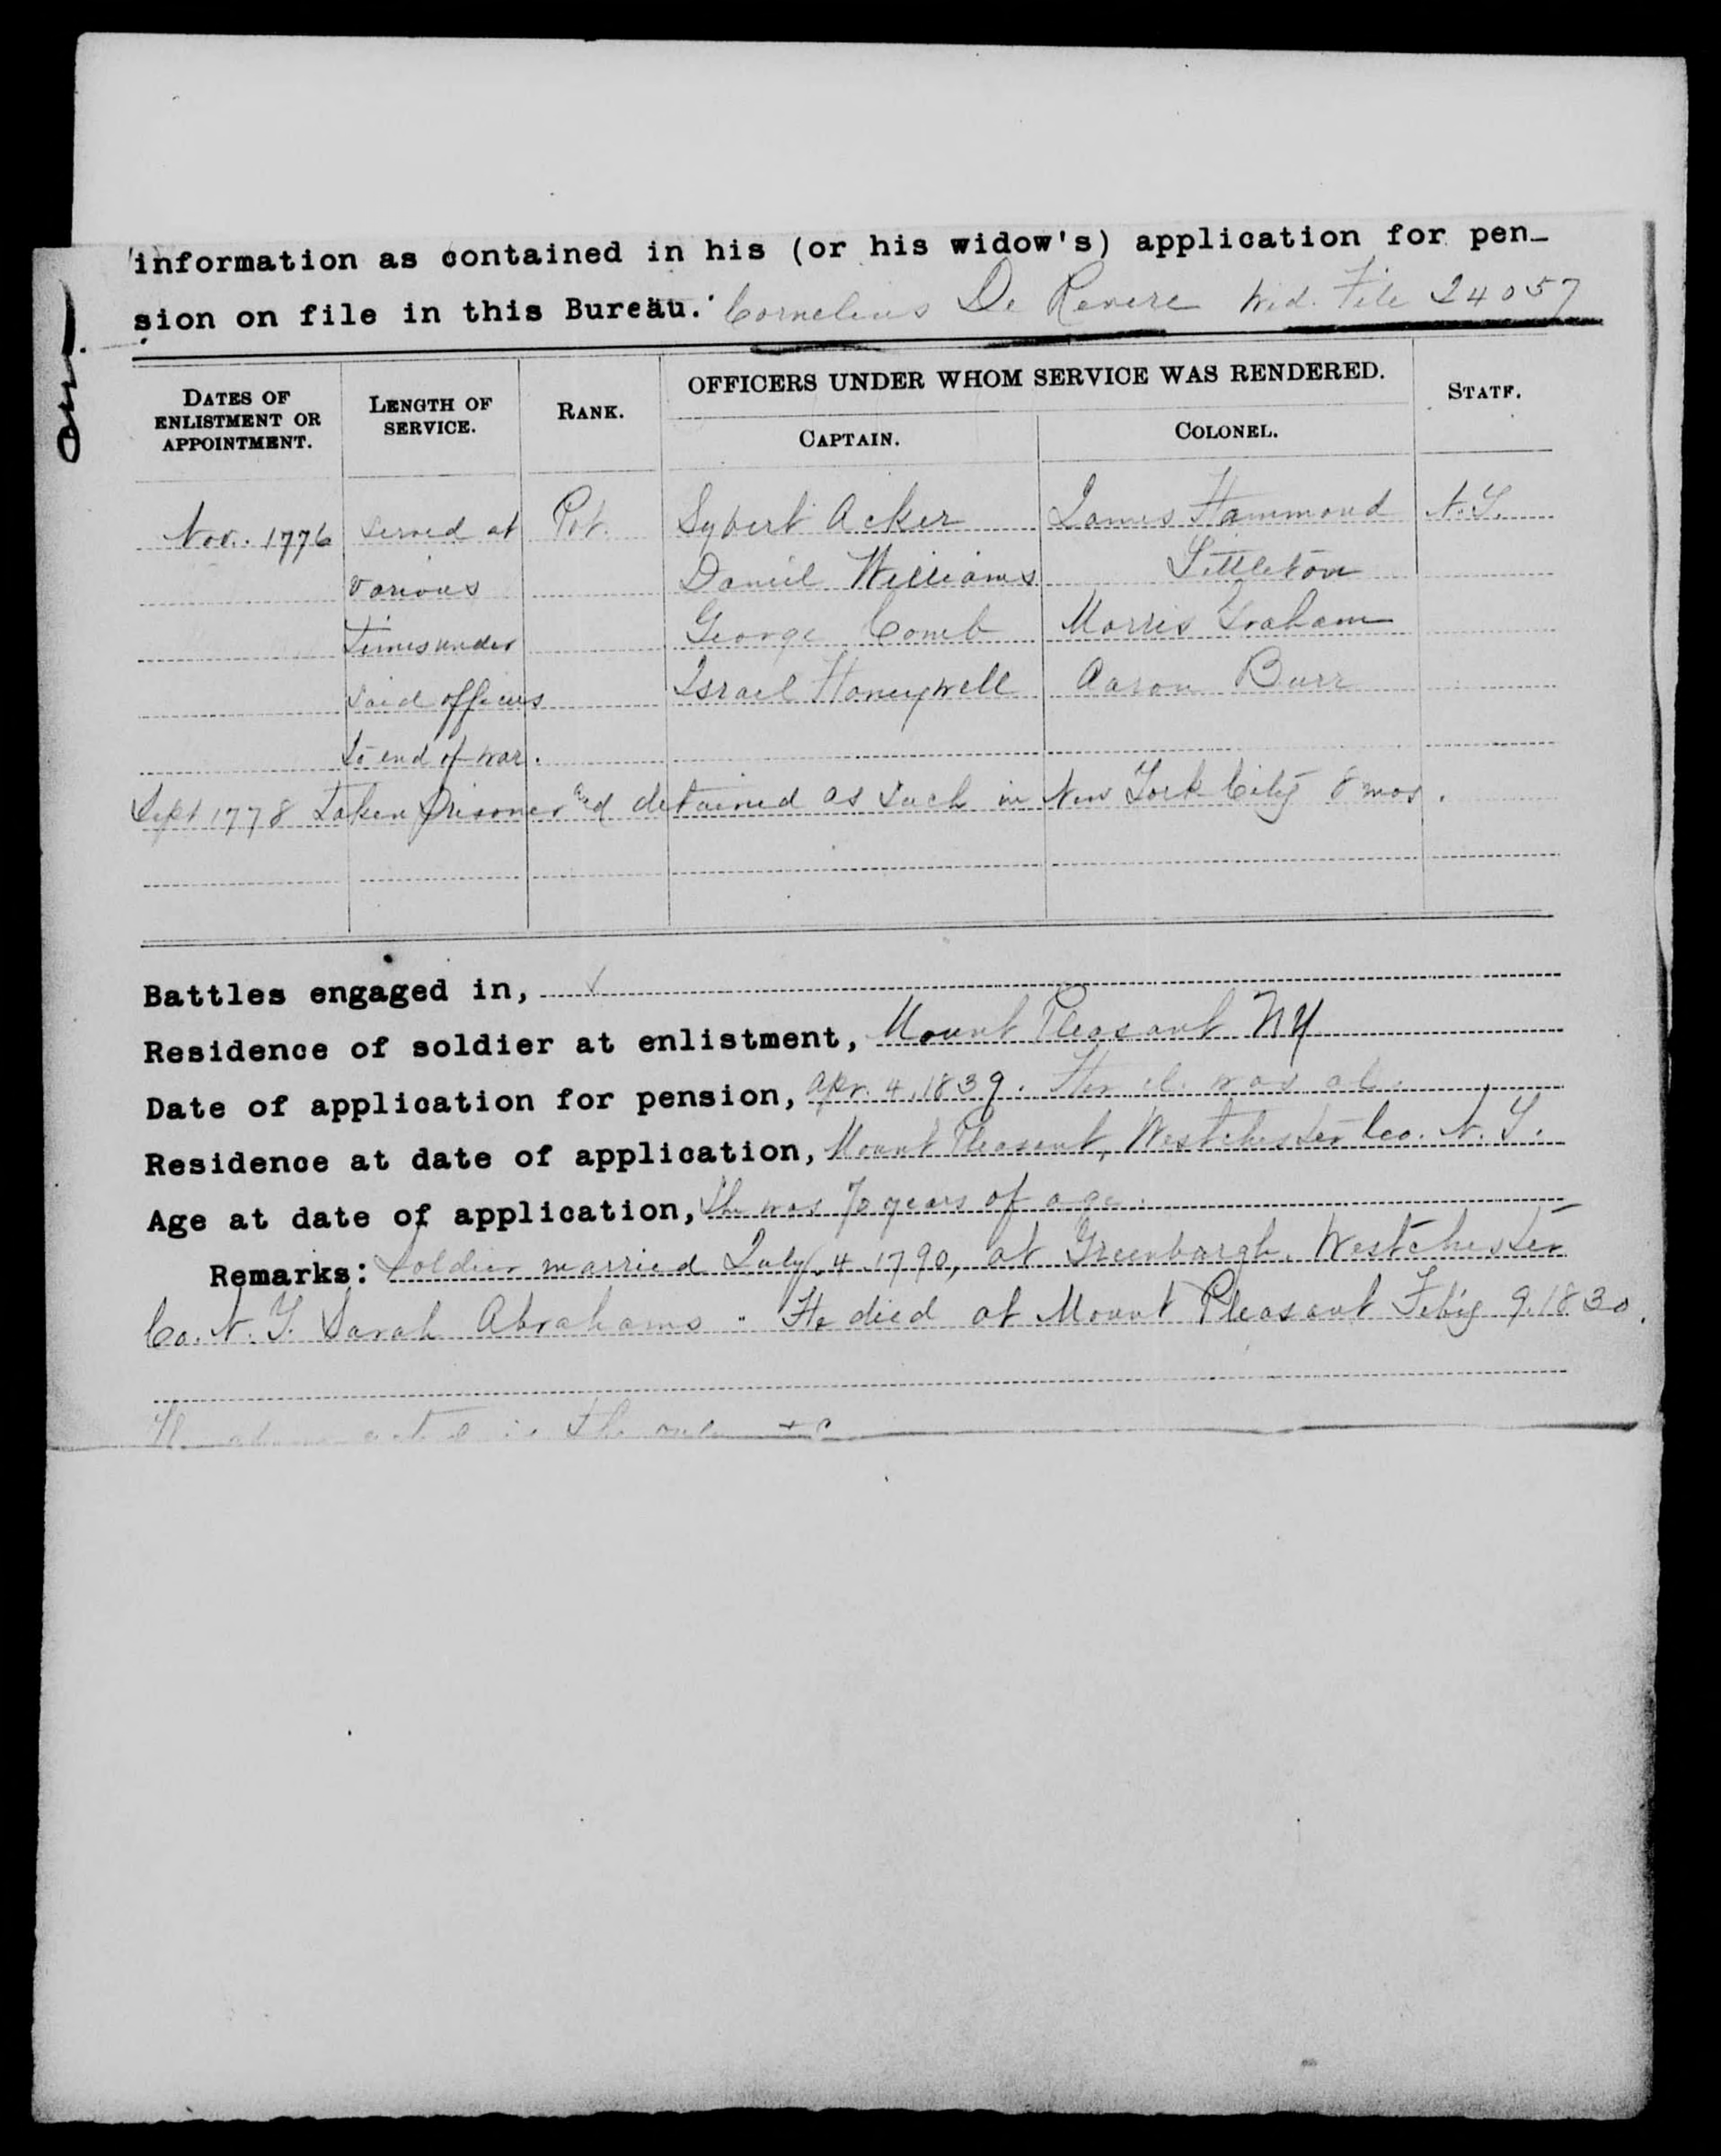information as contained in his (or his widow's) application for pension on file in the Bureau. Cornelius De Revere Wid File 24057

Dates of Enlistment or Appointment
Nov. 1776

Lengths of Service
Served at various times under said officers to end of war.

Rank
Pvt

Officers Under Whom Service was Rendered
Captain
Sybert Acker, Daniel Williams, Geroge Comc, Israel Honeywell

Colonel
James Hammond, Littleton, Morris Graham, Aaron Burr

State
N.Y.

Sept 1778 taken prisoner and detailed as such in New York City 8 mos.

Residence of soldier at enlistment,
Mount Pleasant NY

Date of application for pension,
Apr 4 1839. Her [illegible] was [illegible]

Residence at date of application, Mount Pleasant, Westchester Co. N.Y.

Age at date of application, He was 70 years of age.

Remarks: Soldier married July 4, 1790, at Greenburgh, Westchester Co. N.Y. Sarah Abrahams. He died at Mount Pleasant Feb'y 9, 1830.

[illegible]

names: Cornelius De Revere, Sybert Acker, Sarah Abrahams, Morris Graham, George Comb, Aaron Barr, Daniel Williams, Littleton, Issac Honeywell, James Hammond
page: 9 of 40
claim: widow's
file: W. 24057, Cornelius De Revere, New York